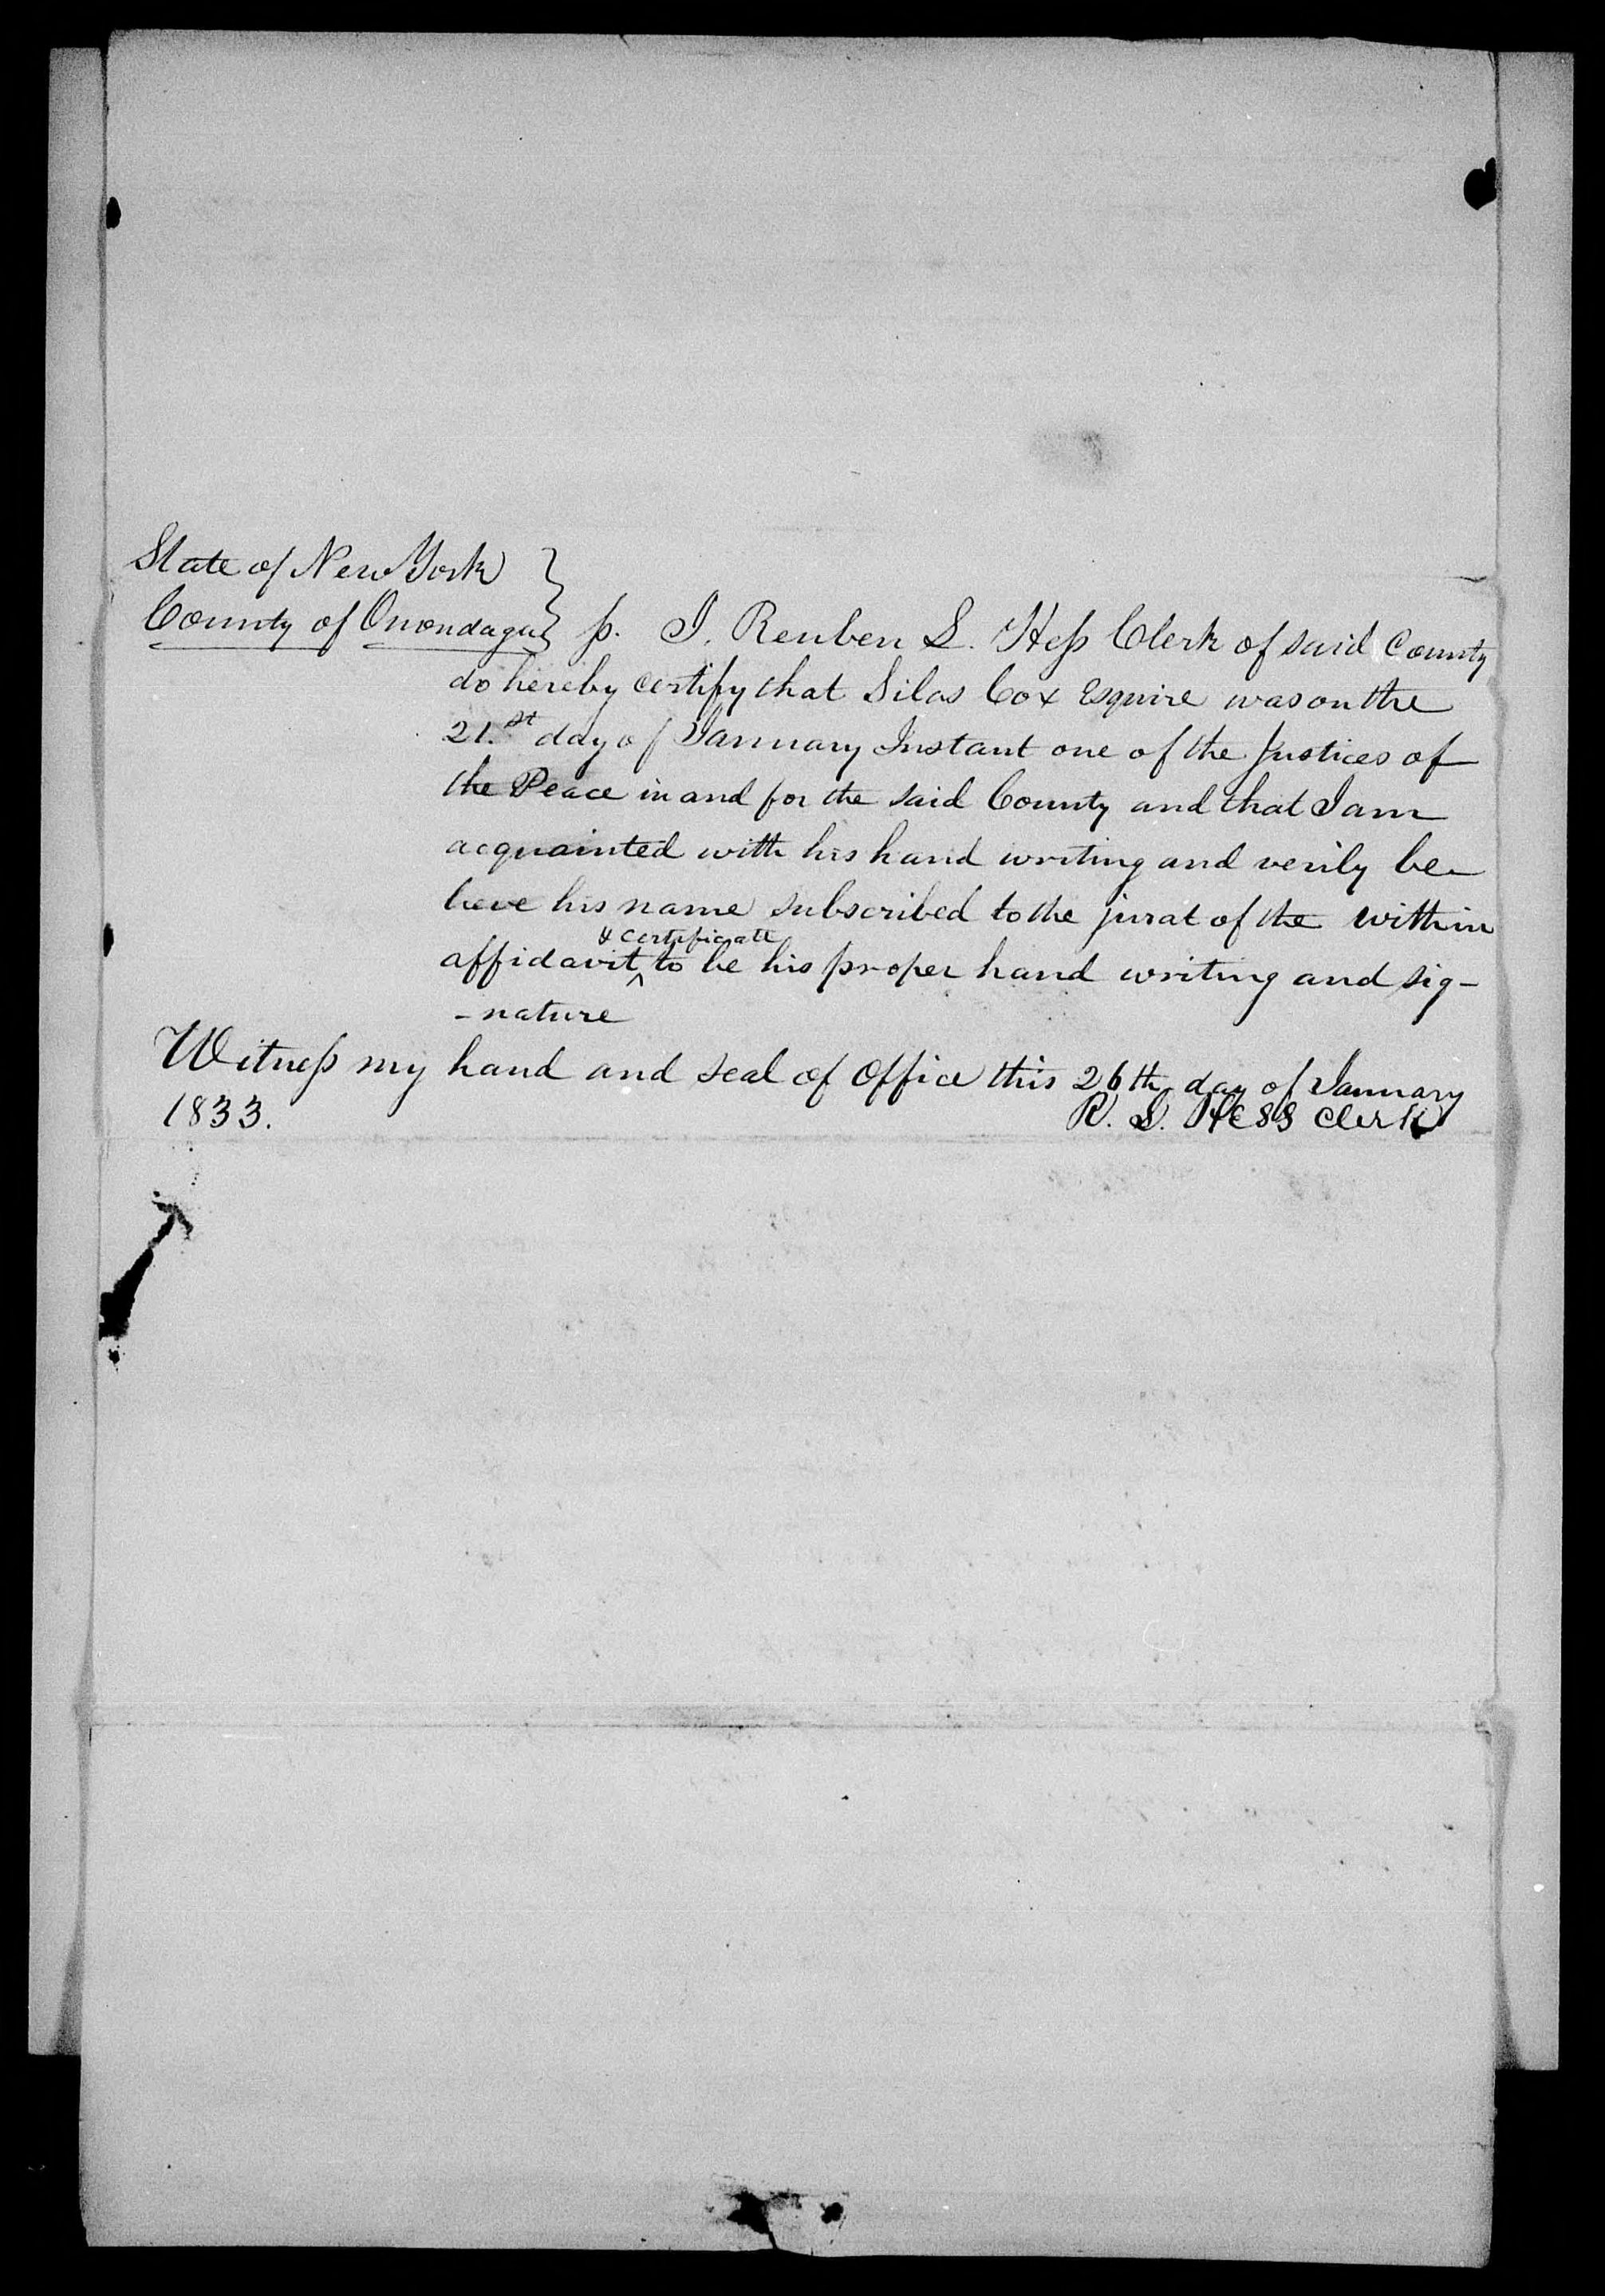State of New York }
County of Onondaga} ss  

I, Reuben S. Hess Clerk of said County do hereby certify that Silas Cox Esquire was on the 21 day of January Instant one of the Justices of the Peace in and for the said County and that I am acquainted with his hand writing and verily believe his name subscribed to the Jurat of the within affidavit & certificate to be his proper hand writing and signature 

Witness my hand and seal of Office this 26th day of January 1833.
R. S. Hess. Clerk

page: 7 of 30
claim: survivor's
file: S. 13,873, for William Mapes, New York